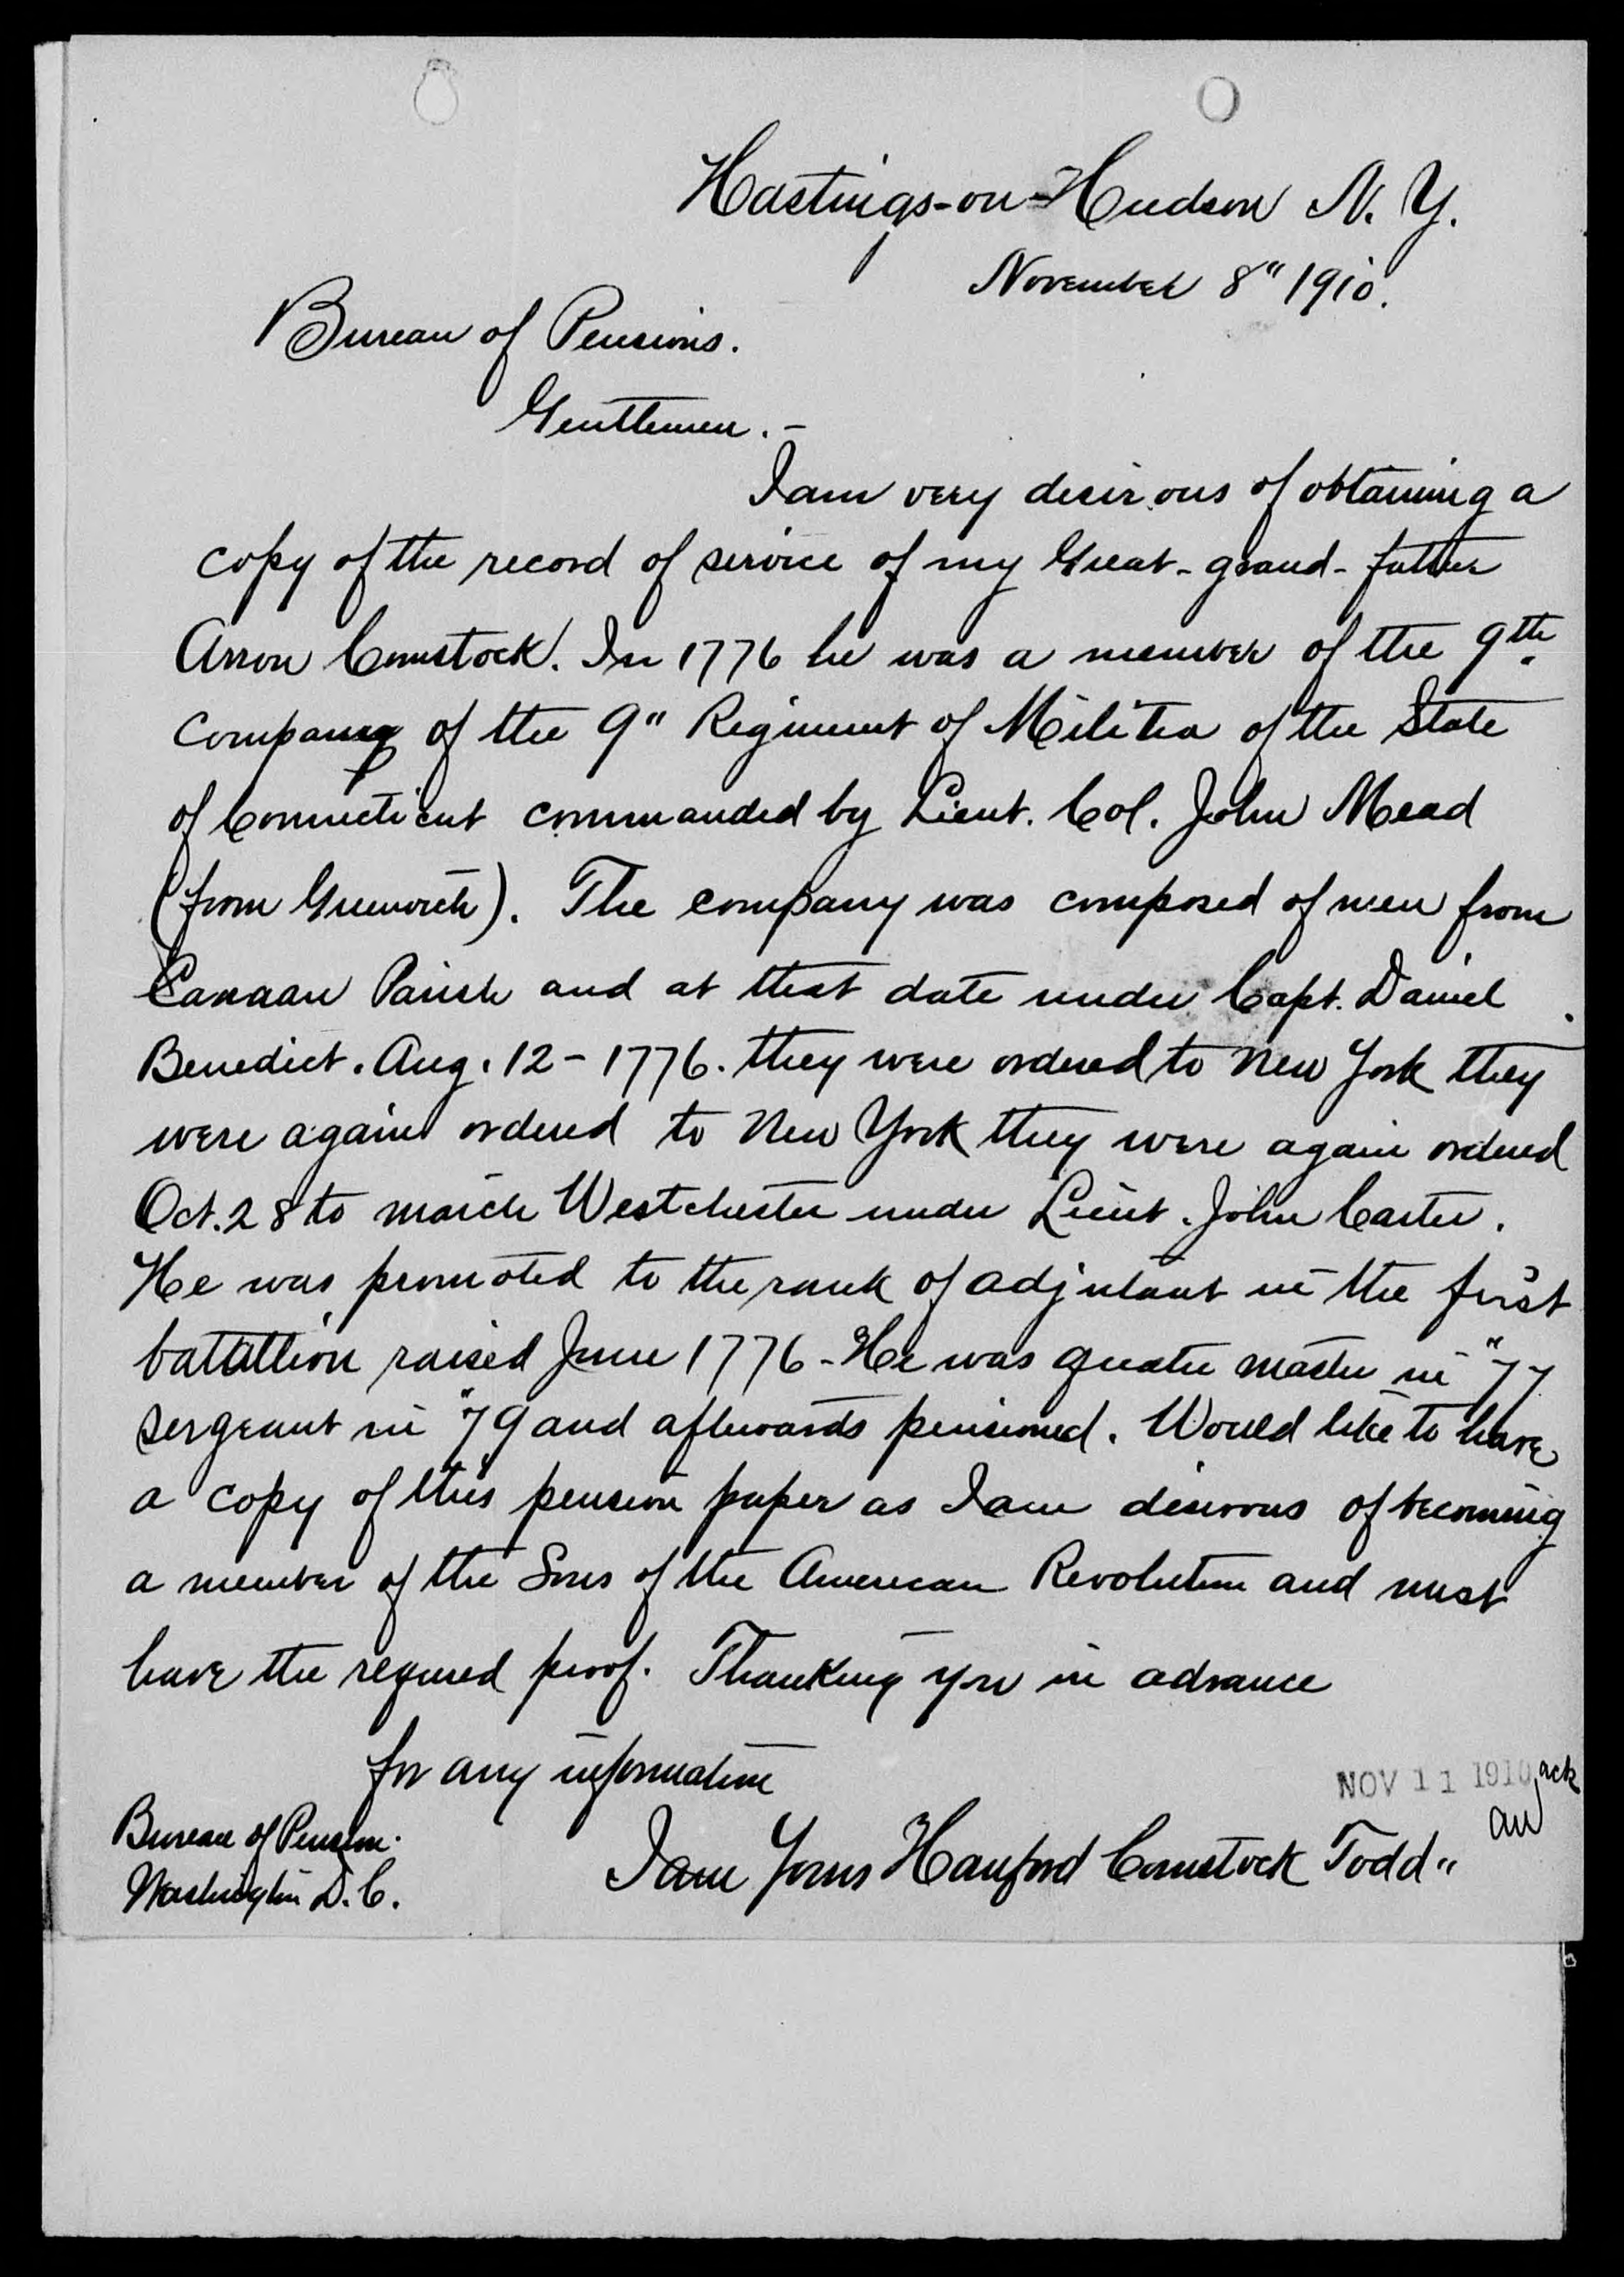Hastings-on-Hudson N. Y.
November 8th 1910.

Bureau of Pensions.
Gentlement.-
I am very desirous of obtaining a copy of the record of service of my Great-grand-father Ann Comstock. In 1776 he was a member of the 9th company of the 9" Regiment of Militia of the State of Connecticut commanded by Lieut. Col. John Mead (from Greenwich). The company was composed of men from Canaan Parish and at that date under Capt. Daniel Benedict. Aug. 12- 1776. They were ordered to New York they were again ordered to New York they were again ordered Oct. 28th to march Westchester under Lieut. John Carter. He was promoted to the rank of adjutant in the first battallion raised June 1776 - He was quarter master in "77 Sergeant in "79 and afterwards pensioned. Would like to have a copy of this pension paper as I am desirous of becoming a member of the Sons of the American Revolution and must have the required proof. Thanking you in advance for any information  [stamp] NOV 11 1910 [illegible]
I am Yours Hanford Comstock Todd"

Bureau of Pension
Washington D. C.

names: Hanford Comstock Todd, John Mead, Daniel Benedict, Arron Comstock, John Carter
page: 27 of 43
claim: widow's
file: W. 17,647, Aaron Comstock, Conn.